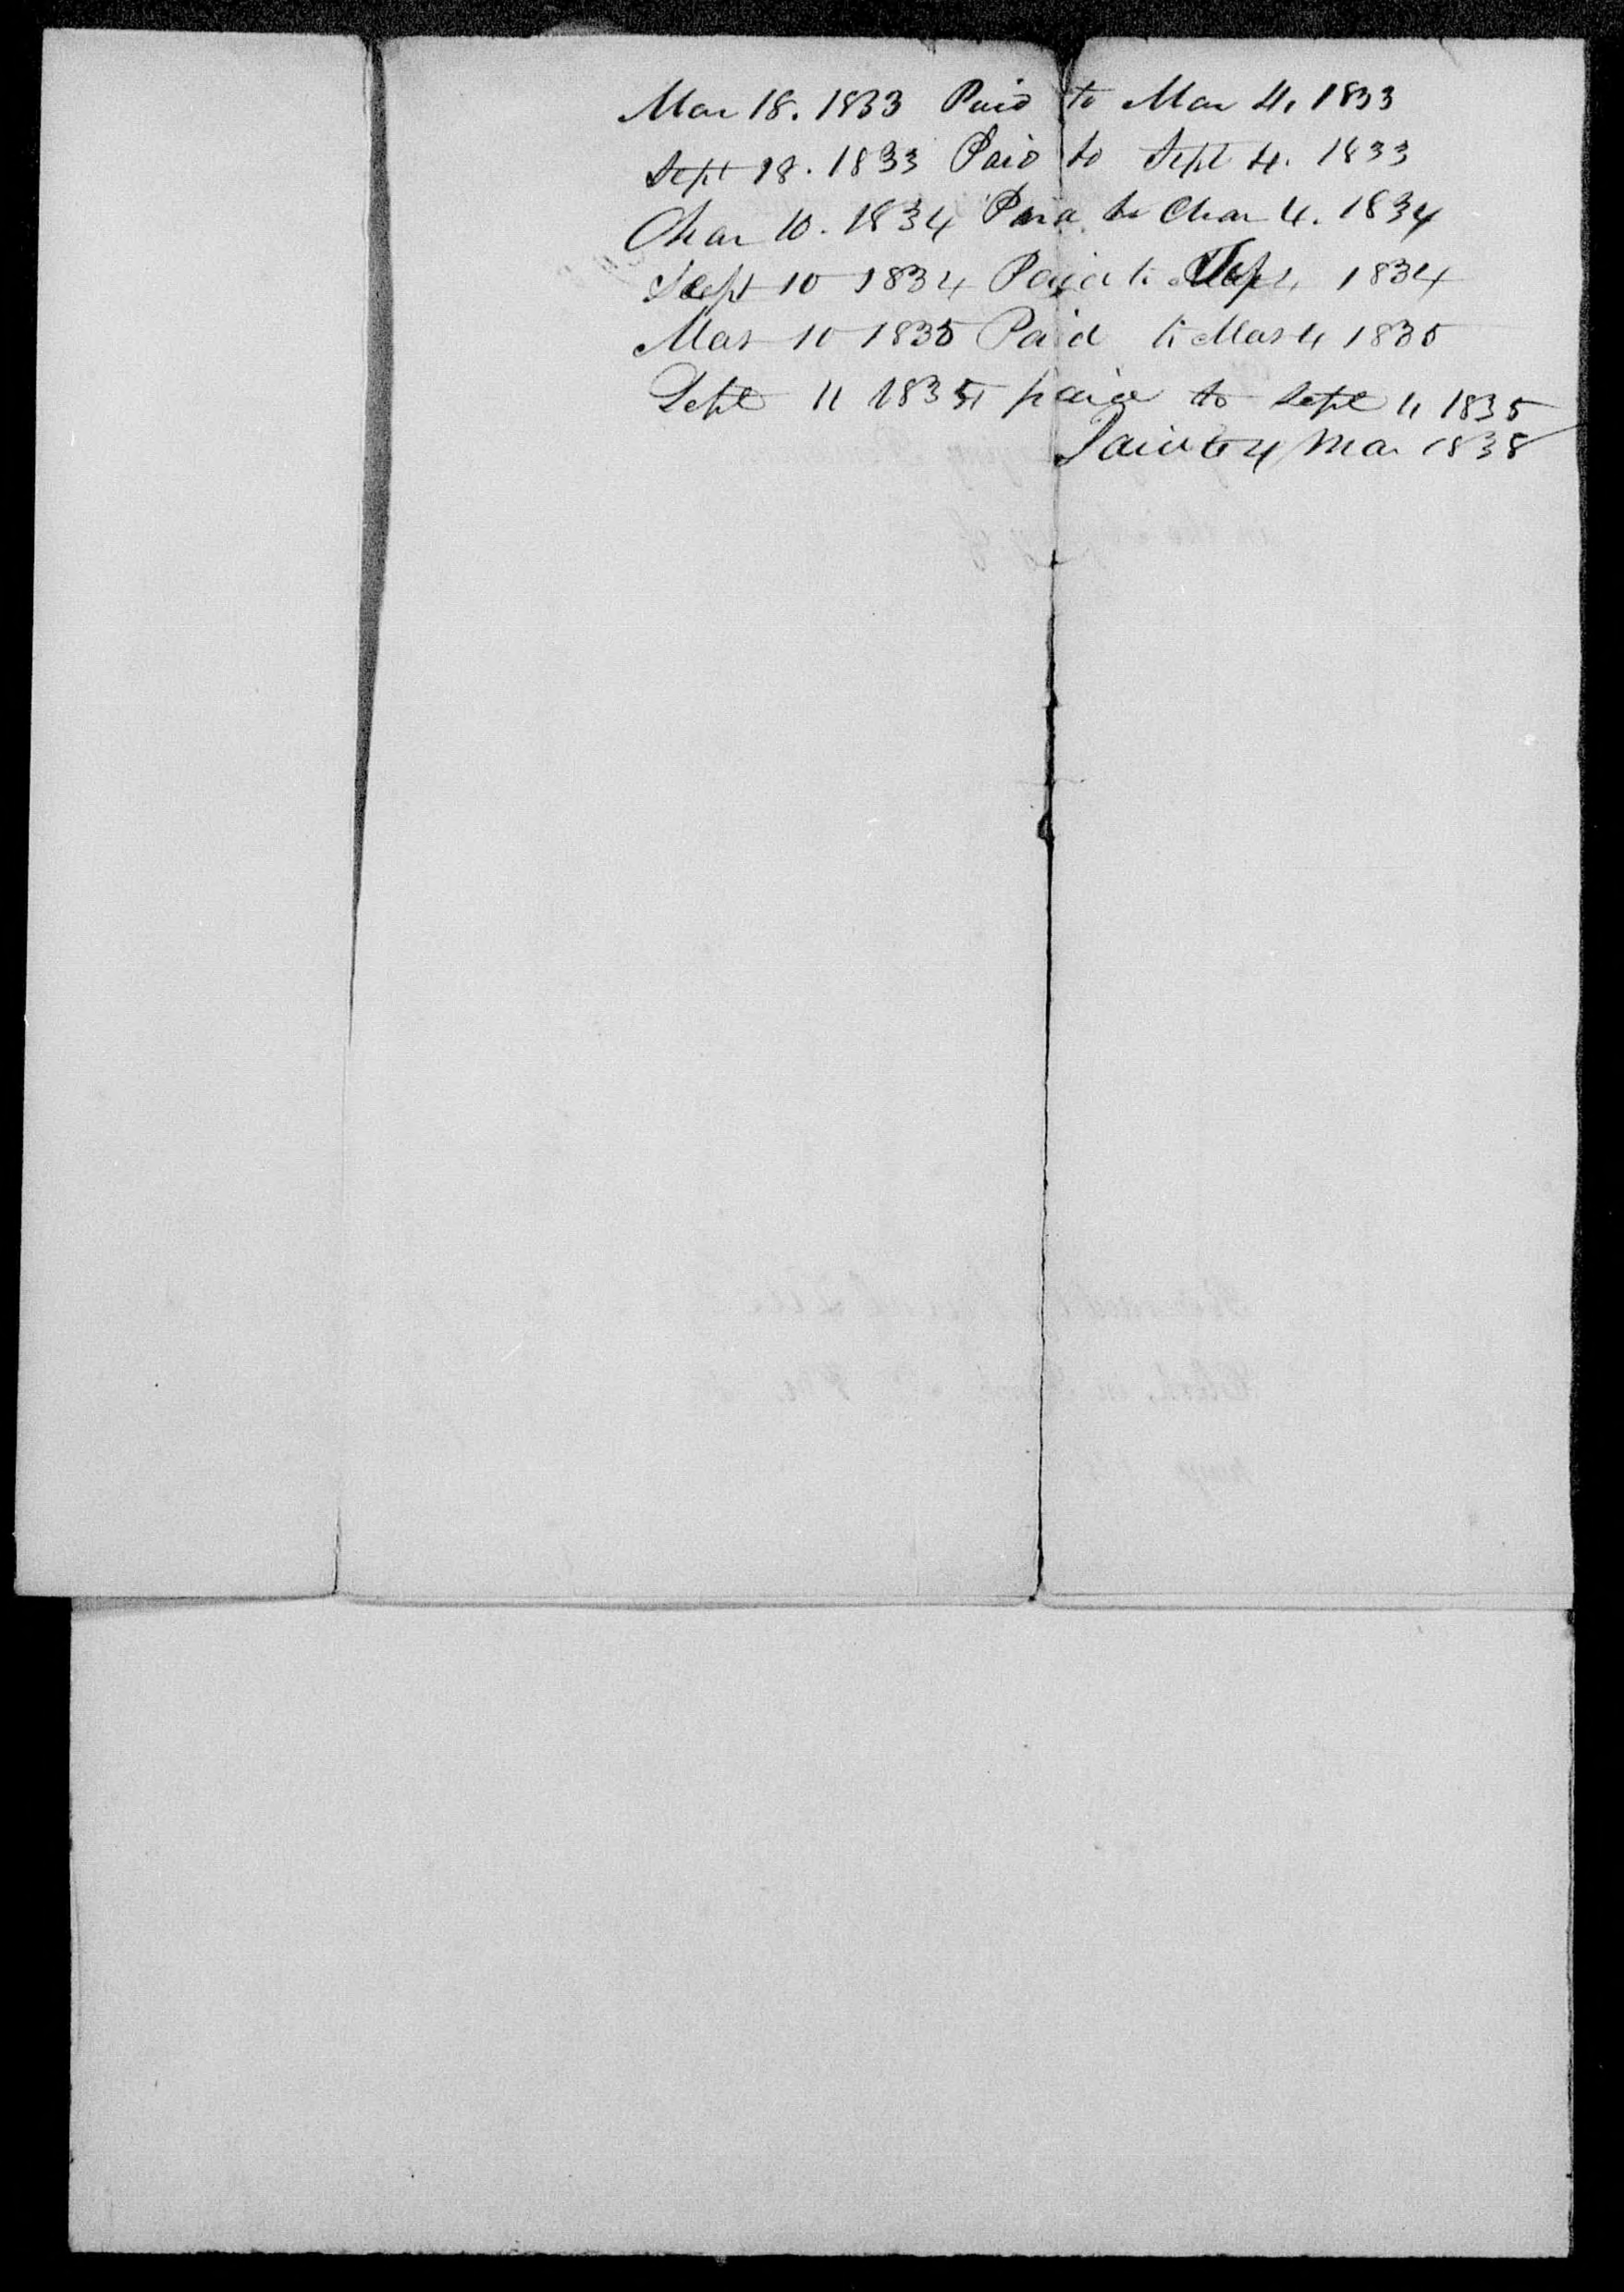Mar 18, 1833 Paid  to May 4, 1833
Sept 18. 1833 Paid to Sept 4, 1833
Mar 10. 1834 Paid to Mar 4, 1834
Sept 10 1834 Paid to Sept. 4 1834
Mar 10 1835 paid to Mar 4 1835
Sept 11 1835 paid to Sept 4, 1835
Paid to 4 Mar 1838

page: 14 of 23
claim: survivor's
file: S. 3212, Moses Condit, New Jersey